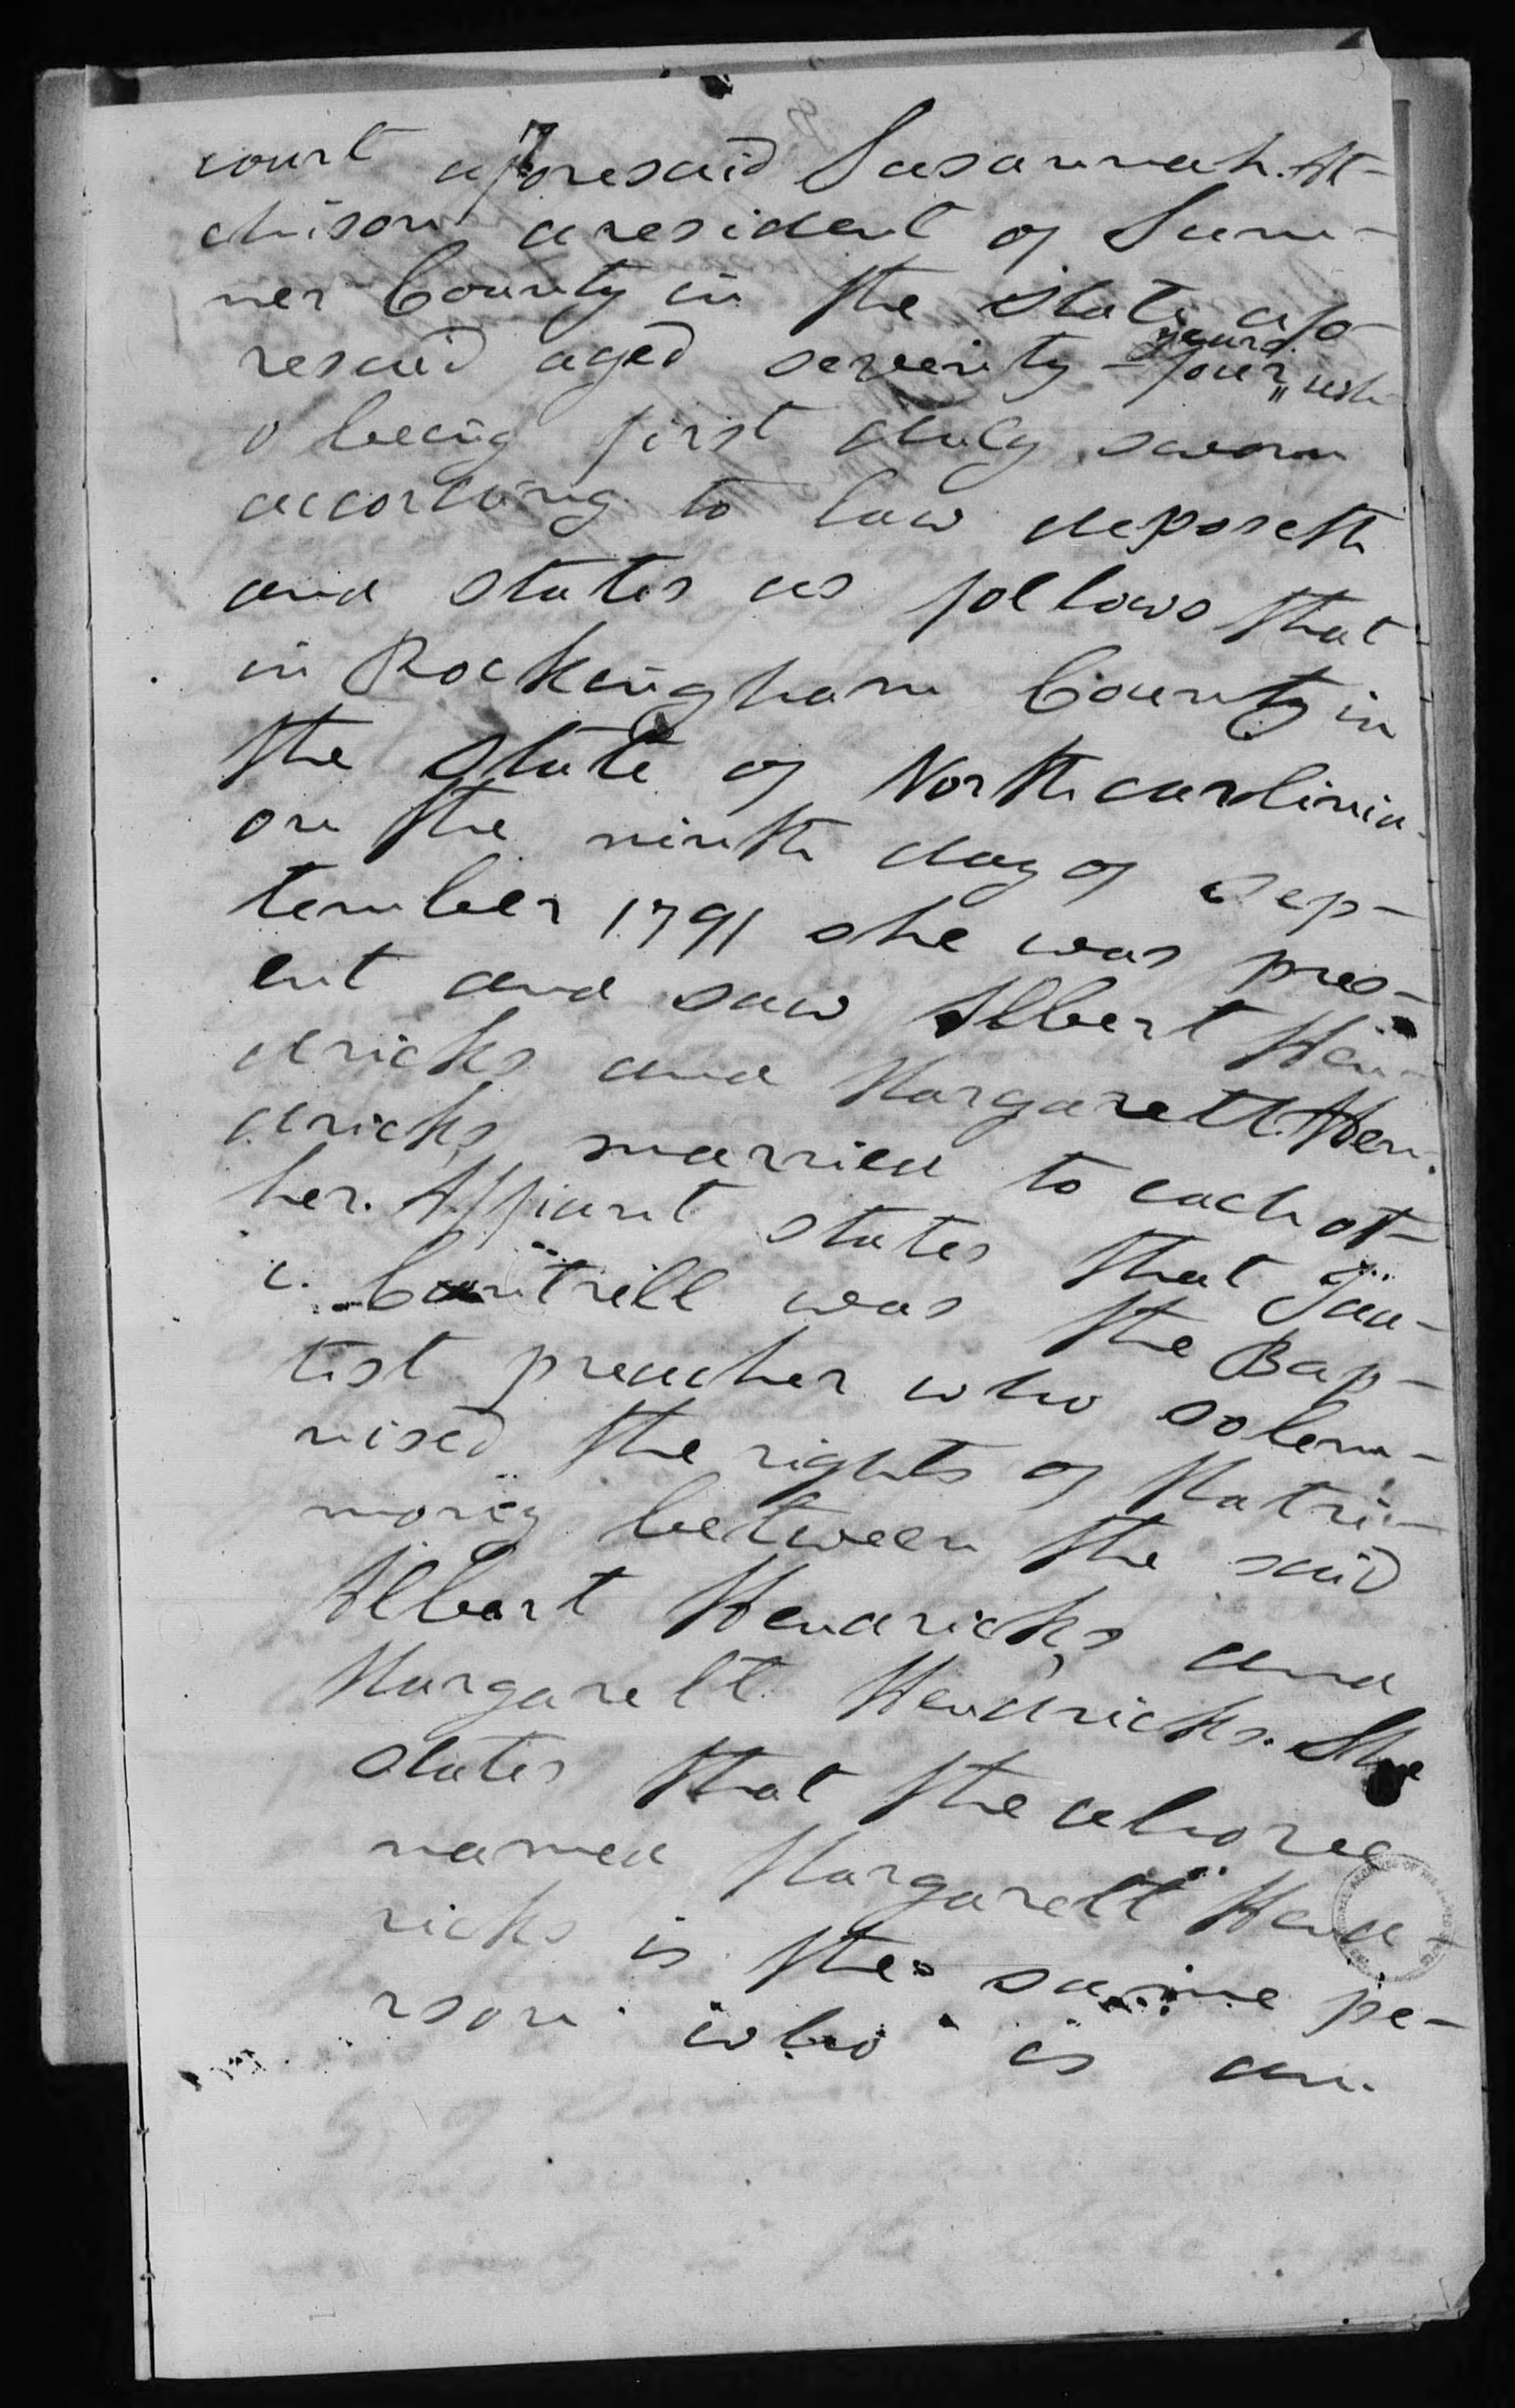court aforesaid Susannah Atcheson a resident of Summer County in the state aforesaid aged seventy-four years who being first duly sworn according to law deposeth and states as follows that in Rockingham County in the state of North Carolina on the ninth day of September 1791 she was present and saw Albert Hendricks and Margarett Hendricks married to each other. Affiant states that Isaac Cantrell was the Baptist preacher who solemnised the rights of matrimony between the said Albert Hendricks and Margarett Hendricks. She states that the above named Margarett Hendricks is the same person who is an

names: Margarett Hendricks, Albert Hendricks, Susannah Atchison, Iaac Cantrell, Margarett Hendricks, Albert Hendricks, Margarett Hendricks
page: 29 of 76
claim: widow's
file: W. 83, Albert Hendricks, Continental Md. N.C.